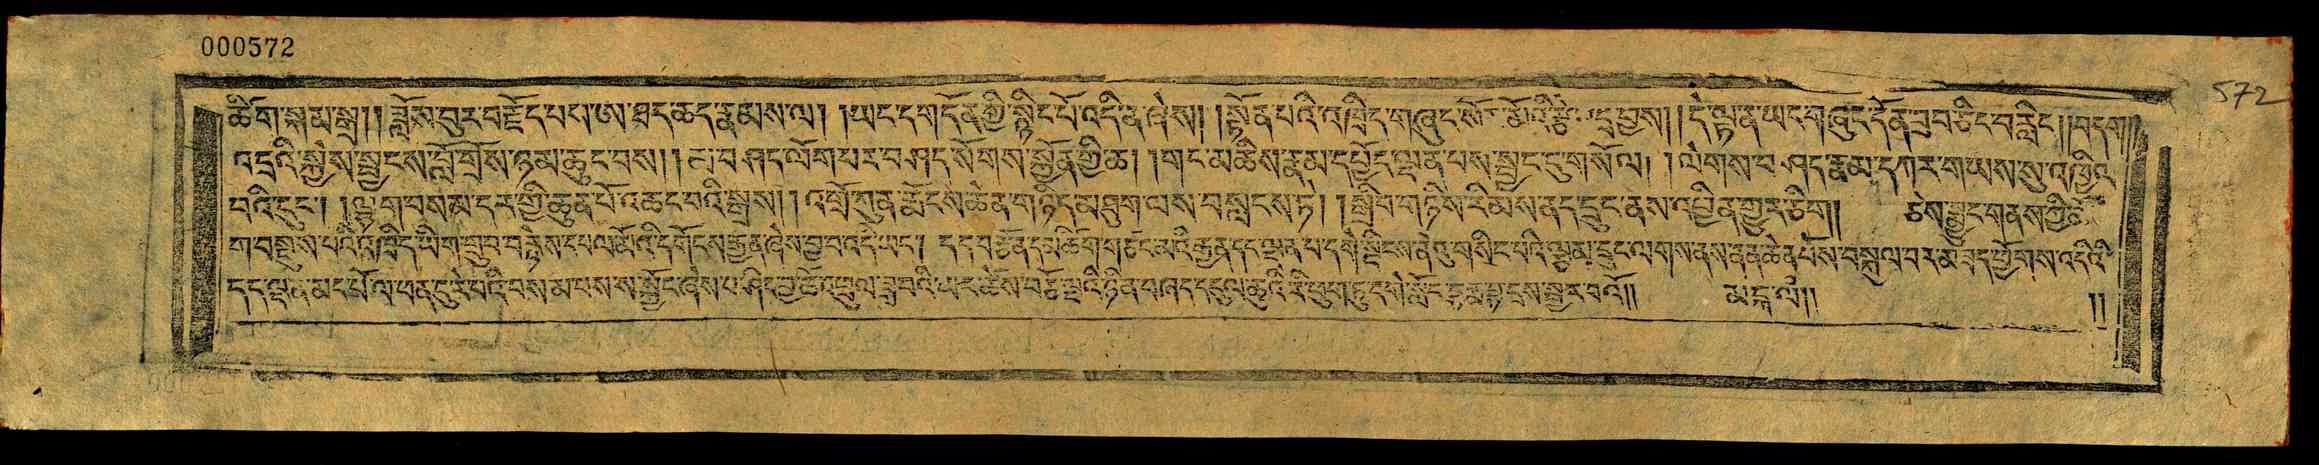ཚིག་སྐམ་སྒྲ། །ཟློས་བུར་བརྗོད་པས་ཨ་ཐད་ཆད་རྣམས་ལ། །ཡང་དག་དོན་གྱི་སྙིང་པོ་འདི་ན་ཞེས། །སྟོན་པའི་འཁྲིད་གཞུང་སོར་མོའི་རྩེ་འདྲ་བྱས། །དེ་ལྟ་ན་ཡང་གཞུང་དོན་ཟབ་ཅིང་བརླིང་། །བདག་
འདྲའི་སྐྱེས་སྦྱངས་བློ་གྲོས་ཉམ་ཆུང་བས། །མ་བཤད་ལོག་པར་བཤད་སོགས་སྐྱོན་གྱི་ཆ། །གང་མཆིས་རྣམ་དཔྱོད་ལྡན་པས་སྤྱད་དུ་གསོལ། །ལེགས་བཤད་རྣམ་དཀར་གཡས་སུ་འཁྱིལ་
བའི་དུང་། །ལྷག་བསམ་དར་གྱི་ཆུན་པོ་འཆང་པའི་སྒྲས། །འགྲོ་ཀུན་རྨོངས་ཆེན་གཉིད་མཐུག་ལས་བསླངས་ཏེ། །སྒྲིབ་གཉིས་རིམས་ནད་དྲང?་ནས་འབྱིན་གྱུར་ཅིག །ཅེས་སྨྱུང་གནས་ཀྱི་ཆོ་
ག་བསྡུས་པའི་འཁྲིད་ཡིག་གྲུབ་བརྙེས་དཔལ་མོའི་དགོངས་རྒྱན་ཞེས་བྱ་བ་འདི་ཡང་། དད་བརྩོན་དམ་ཚིག་གཙང་མའི་རྒྱན་དང་ལྡན་པ་དགེ་སྡིངས་ནེའུ་གསིང་པའི་ལྕམ་དྲུང་ལགས་ནས་ནན་ཆེན་པོས་བསྐུལ་བར་མ་ཟད་ཕྱོགས་འདིའི་
དད་ལྡན་མང་པོ་ལ་ཕན་དུ་རེ་བའི་བསམ་པས་ས་སྐྱོང་ཞེས་པ་ཤིང་བྱ་ཆོ་འཁྲུལ་ཟླ་བའི་ཡར་ཚེས་བཅོ་ལྔའི་ཉིན་བཞད་དངུལ་ཆུའི་རི་ཕུག་ཏུ་དགེ་སློང་དྷརྨ་བྷ་དྲས་སྦྱར་པའོ། མངྒ་ལཾ།།